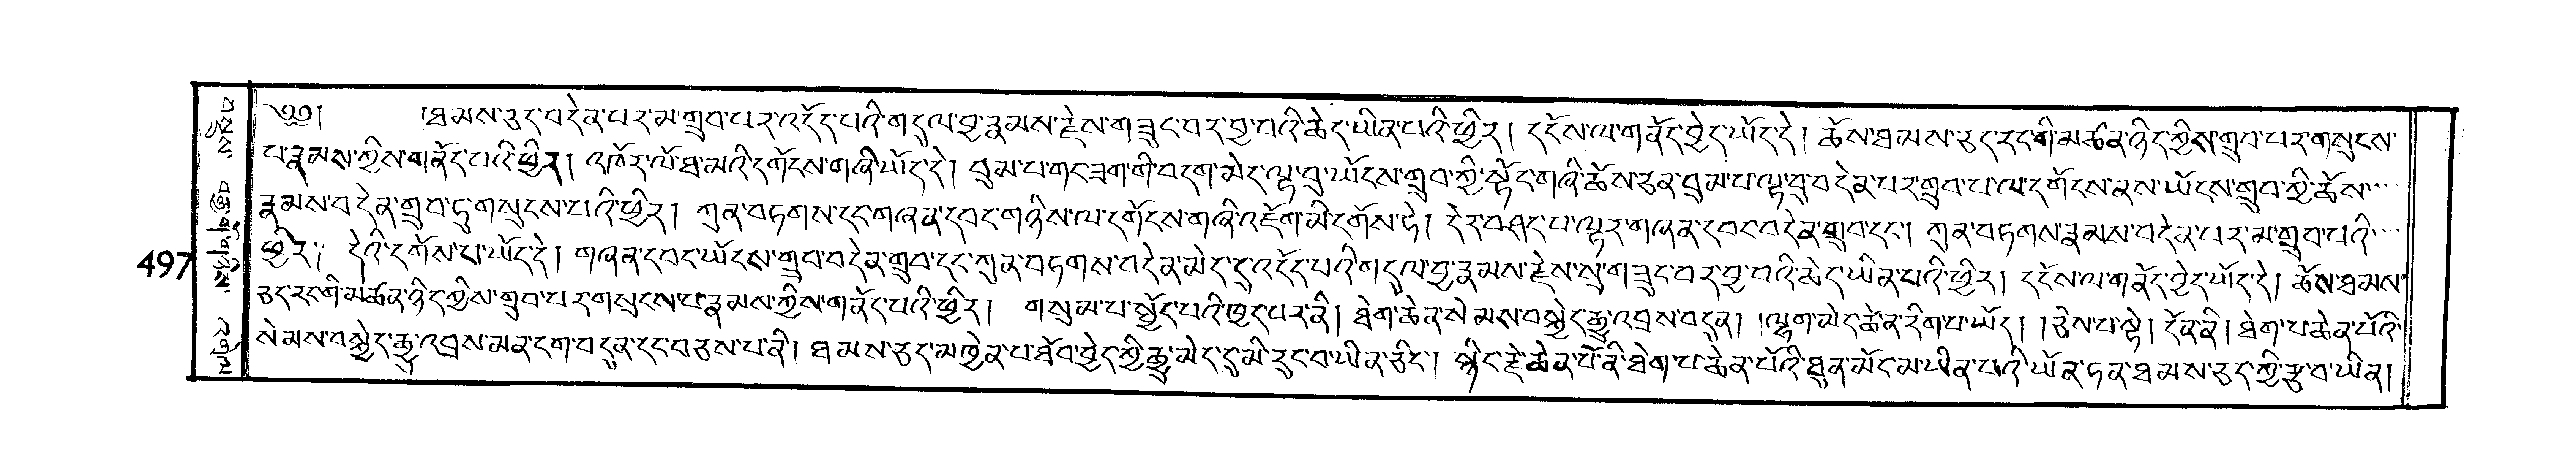༄༅། །ཐམས་ཅད་བདེན་པར་མ་གྲུབ་པར་འདོད་པའི་གདུལ་བྱ་རྣམས་རྗེས་གཟུང་བར་བྱ་བའི་ཆེད་ཡིན་པའི་ཕྱིར། དངོས་ལ་གནོད་བྱེད་ཡོད་དེ། ཆོས་ཐམས་ཅད་རང་གི་མཚན་ཉིད་ཀྱིས་གྲུབ་པར་གསུངས་
པ་རྣམས་ཀྱིས་གནོད་པའི་ཕྱིར། འཁོར་ལོ་ཐ་མའི་དགོངས་གཞི་ཡོད་དེ། བུམ་པ་གང་ཟག་གི་བདག་མེད་ལྟ་བུ་ཡོངས་གྲུབ་ཀྱི་སྟོང་གཞི་ཆོས་ཅན་བུམ་པ་ལྟ་བུ་བདེན་པར་གྲུབ་པ་ལ་དགོངས་ནས་ཡོངས་གྲུབ་ཀྱི་ཆོས་
རྣམས་བདེན་གྲུབ་ཏུ་གསུངས་པའི་ཕྱིར། ཀུན་བཏགས་དང་གཞན་དབང་གཉིས་ལ་དགོངས་གཞི་འཇོག་མི་དགོས་ཏེ། དེར་བཤད་པ་ལྟར་གཞན་དབང་བདེན་གྲུབ་དང་། ཀུན་བཏགས་རྣམས་བདེན་པར་མ་གྲུབ་པའི་
ཕྱིར༑ དེའི་དགོས་པ་ཡོད་དེ། གཞན་དབང་ཡོངས་གྲུབ་བདེན་གྲུབ་དང་ཀུན་བཏགས་བདེན་མེད་དུ་འདོད་པའི་གདུལ་བྱ་རྣམས་རྗེས་སུ་གཟུང་བར་བྱ་བའི་ཆེད་ཡིན་པའི་ཕྱིར། དངོས་ལ་གནོད་བྱེད་ཡོད་དེ། ཆོས་ཐམས་
ཅད་རང་གི་མཚན་ཉིད་ཀྱིས་གྲུབ་པར་གསུངས་པ་རྣམས་ཀྱིས་གནོད་པའི་ཕྱིར། གསུམ་པ་སྤྱོད་པའི་ཁྱད་པར་ནི། ཐེག་ཆེན་སེམས་བསྐྱེད་རྒྱུ་འབྲས་བདུན། །ལྷག་མེད་ཚེ་ན་རིག་པ་ཡོད། །ཅེས་པ་སྟེ། དོན་ནི། ཐེག་པ་ཆེན་པོའི་
སེམས་བསྐྱེད་རྒྱུ་འབྲས་མན་ངག་བདུན་དང་བཅས་པ་ནི། ཐམས་ཅད་མཁྱེན་པ་ཐོབ་བྱེད་ཀྱི་རྒྱུ་མེད་དུ་མི་རུང་བ་ཡིན་ཅིང་། སྙིང་རྗེ་ཆེན་པོ་ནི་ཐེག་པ་ཆེན་པོའི་ཐུན་མོང་མ་ཡིན་པའི་ཡོན་ཏན་ཐམས་ཅད་ཀྱི་རྩ་བ་ཡིན།